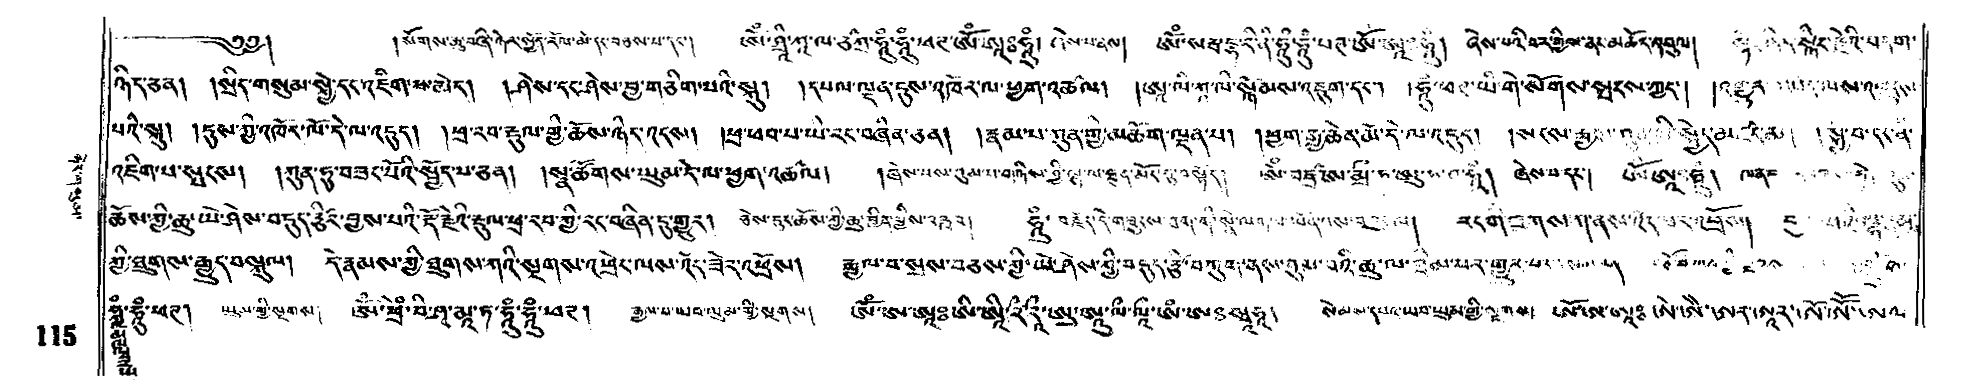༄༅། །སོགས་ཆུ་བཞི་ཉེར་སྤྱོད་རོལ་མོ་དང་བཅས་པ་དང་།  ཨོཾ་ཤྲཱི་ཀཱ་ལ་ཙཀྲ་ཧཱུཾ་ཧཱུཾ་ཕཊ་ཨོཾ་ཨཱཿ ཧཱུཾ། ཞེས་པ་ནས། ཨོཾ་སརྦ་དྷ་རི་ནི་ཧཱུཾ་ཧཱུཾ་ཕཊ་ཨོཾ་ཨཱཿ ཧཱུཾ། ཞེས་པའི་བར་གྱིས་ནང་མཆོད་འབུལ། སྟོང་ཉིད་སྙིང་རྗེའི་བདག་
ཉིད་ཅན། །སྲིད་གསུམ་སྐྱེ་དང་འཇིག་པ་མེད། །ཤེས་དང་ཤེས་བྱ་གཅིག་པའི་སྐུ། །དཔལ་ལྡན་དུས་འཁོར་ལ་ཕྱག་འཚལ། །ཨཱ་ལི་ཀཱ་ལི་སྙོམས་འཇུག་དང་། །ཧཱུཾ་ཕཊ་ཡི་གེ་སོགས་སྤངས་ཀྱང་། །འགྱུར་བ་མེད་ལས་འཁྲུངས་
པའི་སྐུ། །དུས་ཀྱི་འཁོར་ལོ་དེ་ལ་འདུད། །ཕྲ་རབ་རྡུལ་གྱི་ཆོས་ཉིད་འདས། །ཕྲ་ཕབ་པ་ཡི་རང་བཞིན་ཅན། །རྣམ་པ་ཀུན་གྱི་མཆོག་ལྡན་པ། །ཕྱག་རྒྱ་ཆེན་མོ་དེ་ལ་འདུད། །སངས་རྒྱས་ཀུན་གྱི་སྐྱེད་མཛད་མ། །སྐྱེ་བ་དང་ནི་
འཇིག་པ་སྤངས། །ཀུན་ཏུ་བཟང་པོའི་སྤྱོད་པ་ཅན། །སྣ་ཚོགས་ཡུམ་དེ་ལ་ཕྱག་འཚལ། །ཞེས་པས་བུམ་པ་གཉིས་ཀྱི་ལྷ་ལ་ཐུན་མོང་དུ་བསྟོད།  ཨོཾ་བཛྲ་ཨ་མྲྀ་ཏ་ཨུ་ཏ་ཀ་ཧཱུཾ། ཞེས་པ་དང་། ཨོཾ་ཨཱཿ ཧཱུཾ། ལན་བདུར་ནགས་ཏེ། དུས་
ཆོས་ཀྱི་ཆུ་ཡེ་ཤེས་བདུད་རྩིར་བྱས་པའི་རྡོ་རྗེའི་རྡུལ་ཕྲ་རབ་ཀྱི་རང་བཞིན་དུ་གྱུར། ཅེས་དུང་ཆོས་ཀྱི་ཆུ་བྱིན་གྱིས་བརླབ།  ཧཱུཾ་བརྗོད་དེ་གཟུངས་ཐག་གི་སྣེ་ལག་པ་གཡོན་པས་བཟུང་ལ།  རང་གི་གཟུགས་ཀ་ནས་འོད་ཟེར་འཕྲོས། བུམ་པའི་ལྷ་རྣམས་
ཀྱི་ཐུགས་རྒྱུད་བསྐུལ། དེ་རྣམས་ཀྱི་ཐུགས་ཀའི་སྔགས་འཕྲེང་ལས་འོད་ཟེར་འཕྲོས། རྒྱལ་བ་སྲས་བཅས་ཀྱི་ཡེ་ཤེས་ཀྱི་བདུད་རྩི་བཀུག་ནས་བུམ་པའི་ཆུ་ལ་ཐིམ་པར་གྱུར་པར་བསམ་ལ། བ་སོ་བ་ཡབ་ཀྱི་སྔགས། ཨོཾ་སཿ ཧཱུཾ་ག་
ཧྐྵྨླླྭྲྱཾ་ཧཱུཾ་ཕཊ། ཡུམ་གྱི་སྔགས།  ཨོཾ་ཕྲེཾ་བི་ཤྭ་མཱ་ཏ་ཧཱུཾ་ཧཱུཾ་ཕཊ། རྒྱལ་བ་ཡབ་ཡུམ་གྱི་སྔགས།  ཨོཾ་ཨ་ཨཱཿ ཨི་ཨཱི་རྀ་རཱྀ་ཨུ་ཨཱུ་ལྀ་ལཱྀ་ཨཾ་ཨཿ སྭཱ་ཧཱ། སེམས་དཔའ་ཡབ་ཡུམ་གྱི་སྔགས།  ཨོཾ་ཨ་ཨཱཿ ཨེ་ཨཻ་ཨར་ཨཱ་ར་ཨོ་ཨཽ་ཨལ་